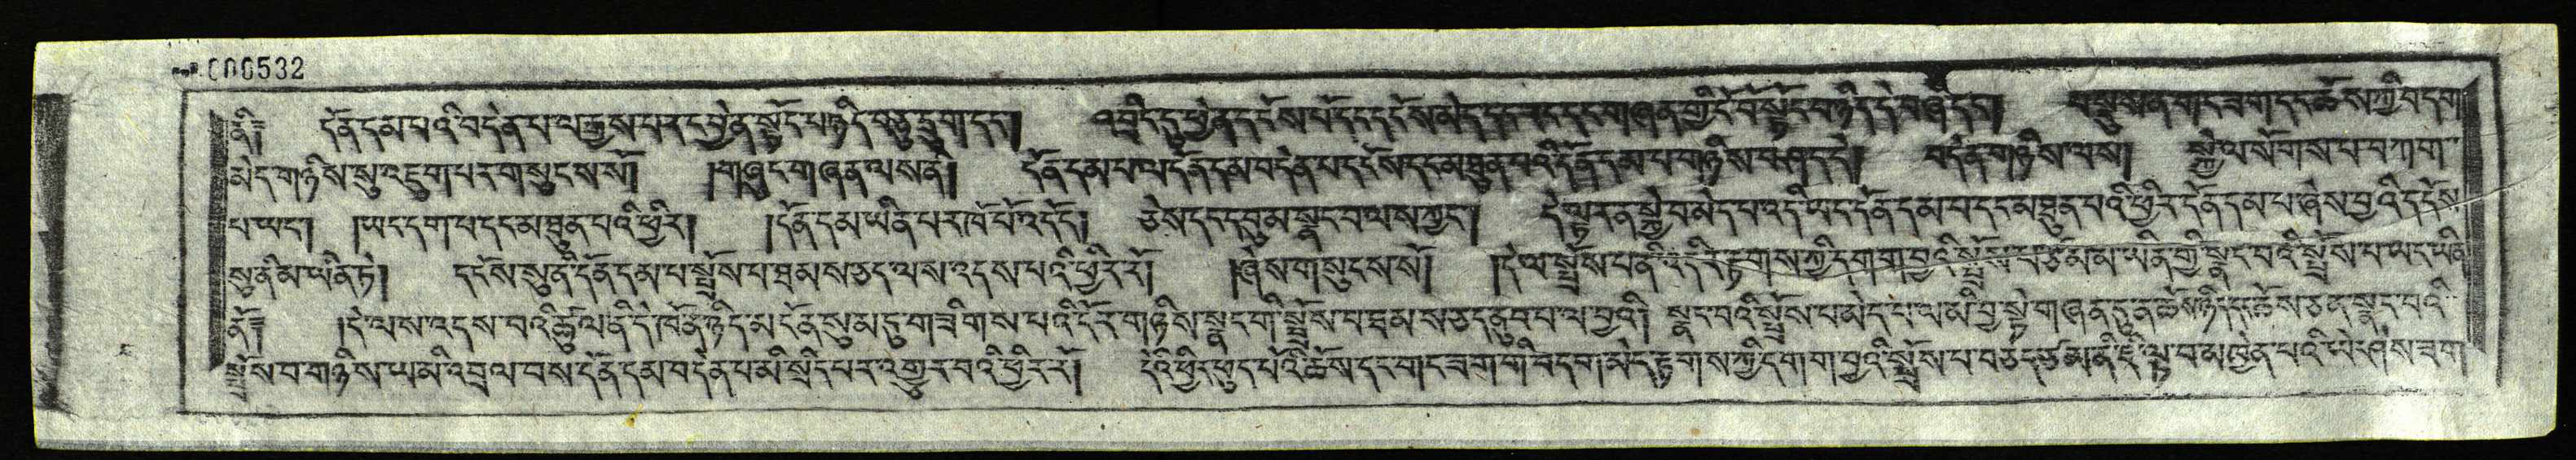ནི༑ དོན་དམ་པའི་བདེན་པ་ལ་རྒྱས་པར་དབྱེ་ན་སྟོང་པ་ཉིད་བཅུ་དྲུག་དང་། འབྲིང་དུ་ཕྱེ་ན་དངོས་པོ་དང་དངོས་མེད་དང་རང་དང་གཞན་གྱི་ངོ་བོ་སྟོང་པ་ཉིད་དེ་བཞི་དང་། བསྡུས་ན་གང་ཟག་དང་ཆོས་ཀྱི་བདག་
མེད་གཉིས་སུ་འཇུག་པར་གསུངས་སོ། །གཞུང་གཞན་ལས་ནི། དོན་དམ་པ་ལ་དོན་དམ་བདེན་པ་དངོས་དང་མཐུན་པའི་དོན་དམ་པ་གཉིས་བཤད་དེ། བདེན་གཉིས་ལས། སྐྱེ་ལ་སོགས་པ་བཀག་
པ་ཡང་། །ཡང་དག་པ་དང་མཐུན་པའི་ཕྱིར། །དོན་དམ་ཡིན་པར་ཁོ་བོ་འདོད། ཅེས་དང་དབུ་མ་སྣང་བ་ལས་ཀྱང་། དེ་ལྟར་ན་སྐྱེ་བ་མེད་པ་འདི་ཡང་དོན་དམ་པ་དང་མཐུན་པའི་ཕྱིར་དོན་དམ་པ་ཞེས་བྱའི་དངོས་
སུ་ནི་མ་ཡིན་ཏེ། དངོས་སུ་ནི་དོན་དམ་པ་སྤྲོས་པ་ཐམས་ཅད་ལས་འདས་པའི་ཕྱིར་རོ། །ཞེས་གསུངས་སོ། །དེ་ལ་སྤྲོས་པ་ནི་འདིར་རྟགས་ཀྱི་དགག་བྱའི་སྤྲོས་པ་ཙམ་མ་ཡིན་གྱི་སྣང་བའི་སྤྲོས་པ་ཡང་ཡིན་
ནོ༑ །དེ་ལས་འདས་པའི་ཚུལ་ནི་དེ་ཁོ་ན་ཉིད་མངོན་སུམ་དུ་གཟིགས་པའི་ངོར་གཉིས་སྣང་གི་སྤྲོས་པ་ཐམས་ཅད་ནུབ་པ་ལ་བྱའི། སྣང་བའི་སྤྲོས་པ་མེད་པ་ལ་མི་བྱ་སྟེ་གཞན་དུ་ན་ཆོས་ཉིད་དང་ཆོས་ཅན་སྣང་བའི་
སྤྲོས་བ་གཉིས་ཡ་མི་འབྲལ་བས་དོན་དམ་བདེན་པ་མི་སྲིད་པར་འགྱུར་བའི་ཕྱིར་རོ། དེའི་ཕྱིར་ཕུང་པོའི་ཆོས་དང་གང་ཟག་གི་བདག་མེད་རྟགས་ཀྱི་དགག་བྱའི་སྤྲོས་པ་བཅད་ཙམ་ནི་ཇི་ལྟ་བ་མཁྱེན་པའི་ཡེ་ཤེས་ཟག་